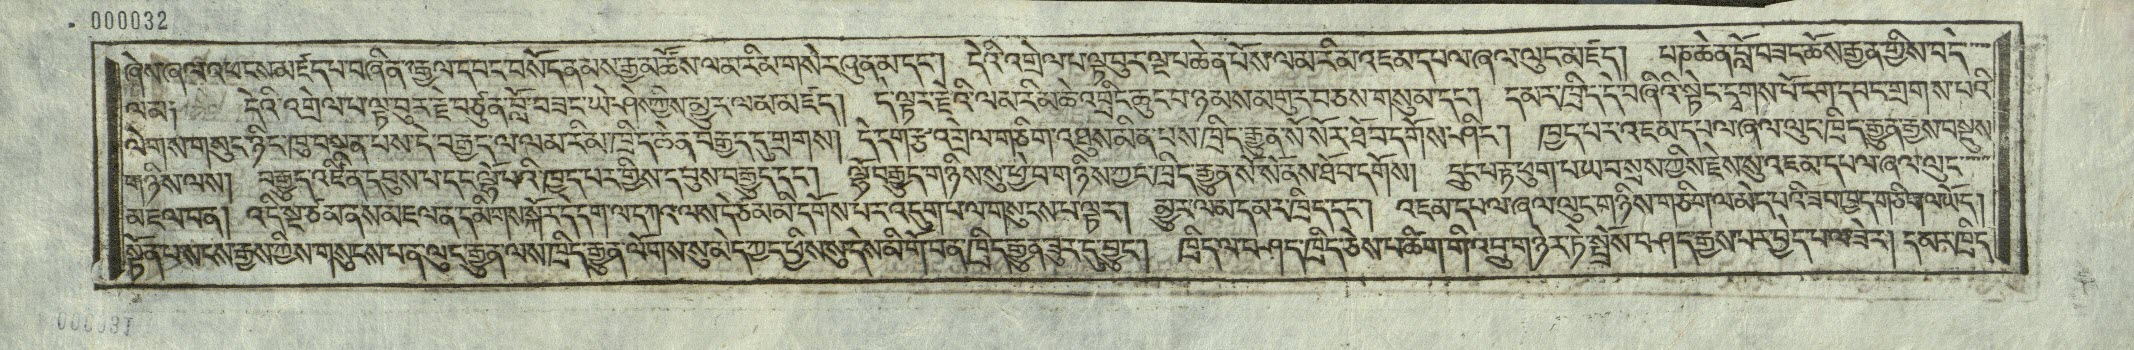ཞེས་ཞལ་འཕངས་མཛད་པ་བཞིན་?རྒྱལ་?་དབང་བསོད་ནམས་རྒྱ་མཚོས་ལམ་རིམ་གསེར་ཞུན་མ་དང་། དེའི་འགྲེལ་པ་ལྟ་བུར་ལྔ་པ་ཆེན་པོས་ལམ་རིམ་འཇམ་དཔལ་ཞལ་ལུང་མཛད། པཎ་ཆེན་བློ་བཟང་ཆོས་རྒྱན་གྱིས་བདེ་
ལམ༑ དེའི་འགྲེལ་པ་ལྟ་བུར་རྗེ་བཙུན་བློ་བཟང་ཡེ་ཤེས་ཀྱིས་མྱུར་ལམ་མཛད། དེ་ལྟར་རྗེའི་ལམ་རིམ་ཆེ་འབྲིང་ཆུང་བ་ཉམས་མགུར་བཅས་གསུམ་དང་། དམར་ཁྲིད་དེ་བཞིའི་སྟེང་དྭགས་པོ་ངག་དབང་གྲགས་པའི་
ལེགས་གསུང་ཉིང་ཁུ་བསྣན་པས་དེ་བརྒྱད་ལ་ལམ་རིམ་ཁྲིད་ཆེན་བརྒྱད་དུ་གྲགས། དེ་དག་རྩ་འགྲེལ་གཅིག་འཐུས་མིན་པས་ཁྲིད་རྒྱུན་སོ་སོར་ཐོབ་དགོས་ཤིང་། ཁྱད་པར་འཇམ་དཔལ་ཞལ་ལུང་ཁྲིད་རྒྱུན་རྒྱས་བསྡུས་
གཉིས་ལས། བརྒྱུད་འཛིན་དབུས་པ་དང་ལྷོ་པའི་ཁྱད་པར་གྱིས་དབུས་བརྒྱུད་དང་། ལྷོ་བརྒྱུད་གཉིས་སུ་ཕྱེ་བ་གཉིས་ཀྱང་ཁྲིད་རྒྱུན་སོ་སོ་ནས་ཐོབ་དགོས། དྲུང་པ་རྟ་ཕུག་པ་ཡབ་སྲས་ཀྱིས་རྗེས་སུ་འཇམ་དཔལ་ཞལ་ལུང་
མཇལ་བ་ན། འདི་སྔ་ཙམ་ནས་མཇལ་ན་དམིགས་སྐོར་དེ་དག་ལ་དཀའ་ལས་དེ་ཙམ་མི་དགོས་པར་འདུག་པ་ལ་གསུངས་པ་ལྟར། མྱུར་ལམ་དམར་ཁྲིད་དང་། འཇམ་དཔལ་ཞལ་ལུང་གཉིས་གཅིག་ལ་མེད་པའི་ཟབ་ཁྱད་གཅིག་ལ་ཡོད།
སྟོན་པ་སངས་རྒྱས་ཀྱིས་གསུངས་པ་ན་ལུང་རྒྱུན་ལས་ཁྲིད་རྒྱུན་ལོགས་སུ་མེད་ཀྱང་ཕྱིས་སུ་དེས་མི་གོ་བ་ན་ཁྲིད་རྒྱུན་ཟུར་དུ་བྱུང་། ཁྲིད་ལ་བཤད་ཁྲིད་ཅེས་པ་ཚིག་གི་འབྲུ་གཉེར་ཏེ་སྤྲོས་བཤད་རྒྱས་པར་བྱེད་པ་ལ་ཟེར། དམར་ཁྲིད་